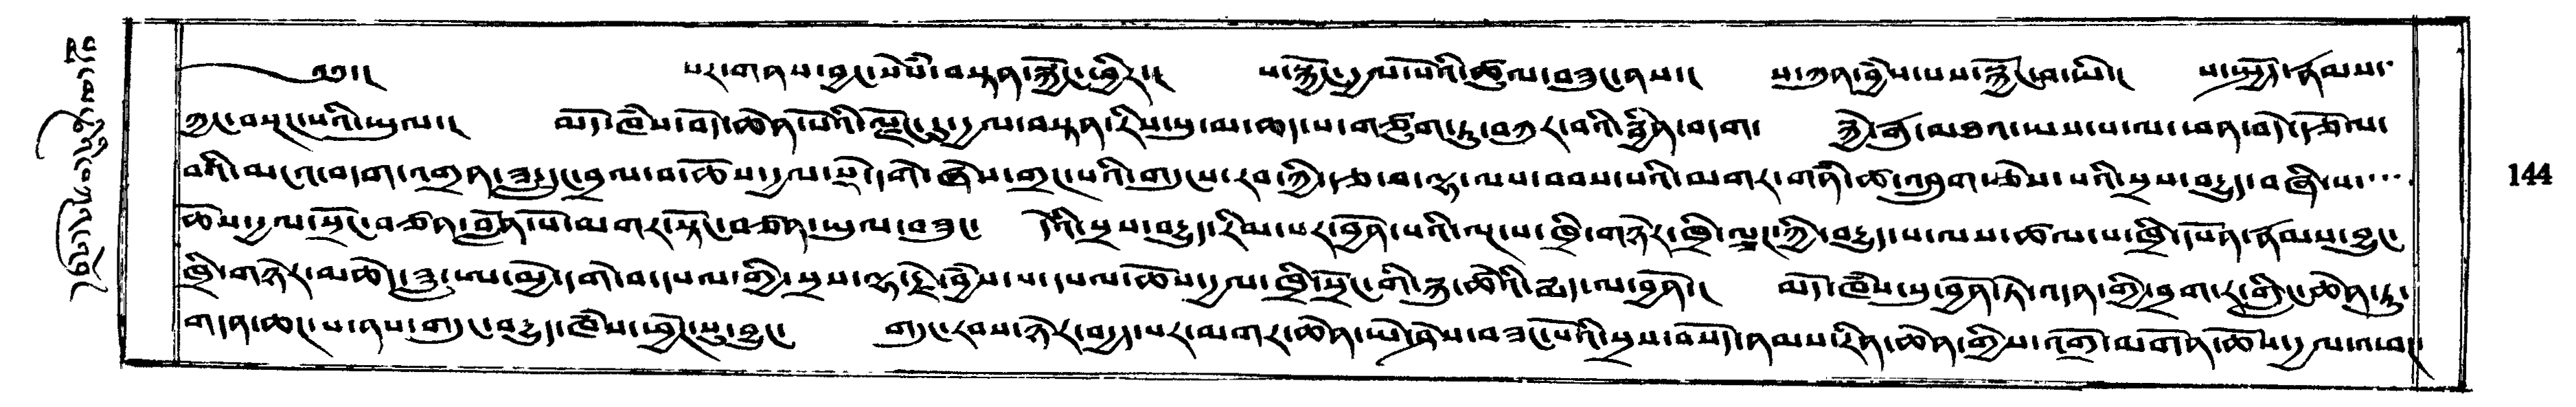སར་གནས་བྱང་སེམས་བསྟན་སྐྱོང་ཕྱིར། །ས་སྐྱོང་རྒྱལ་པོའི་ཚུལ་བཟུང་ནས། །ས་ཀུན་བྱམས་པས་སྐྱོང་བ་ཡི། །ས་སྤྱོད་རྣམས་
ཀྱང་བསྔགས་པའི་ཡུལ། མདོ་ཁམས་བོད་ཆེན་པོའི་ལྗོངས་སུ་རྒྱལ་བསྟན་རིས་སུ་མ་ཆད་པ་གཙུག་ཏུ་བཀུར་བའི་སྦྱིན་བདག སྐྱེ་རྒུ་མཐའ་ཡས་པ་ལ་ཕན་བདེ་རྩོལ་
བའི་མངའ་བདག་འགྲན་ཟླ་དང་བྲལ་བ་ཆོས་རྒྱལ་སྡེ་དགེ་ཞེས་གྲགས་པའི་གདུང་རབས་ཀྱི་རྩ་བ་ལྷ་ལས་བབས་པའི་མགར་གནམ་ཚ་འབྲུག་ཅེས་པའི་སྲས་བརྒྱུད་བཞི་པ་
ཆོས་རྒྱལ་སྲོང་བཙན་གྱི་བློན་པོ་མགར་སྟོང་བཙན་གྱིས་ཡུལ་བཟུང་། དེའི་སྲས་བརྒྱུད་རིམ་པར་བྱོན་པའི་ལྔ་པ་ཁྲི་གཉེར་ཁྲི་ལྕགས་ཀྱི་བརྒྱུད་པ་ལས་ཚལ་པ་ཁྲི་དཔོན་རྣམས་བྱུང་། 
ཁྲི་གཉེར་མཆེད་ཟླ་ཨ་མྱེ་དགེ་བ་དཔལ་གྱི་སྲས་ལྷ་རྗེ་བྱམས་པ་དཔལ་ཆོས་རྒྱལ་ཁྲི་སྲོང་གི་སྐུ་ཚེའི་སྨད་ལ་བྱོན། མདོ་ཁམས་སུ་བྱོན་ཏེ་འདན་གྱི་བྲག་ར་གླིང་ཆེན་ཏུ་
གདན་ཆགས་པ་ནས་གདུང་བརྒྱུད་ཁམས་ཕྱོགས་སུ་བྱུང་། གདུང་རབས་ཉེར་བརྒྱད་པར་མགར་ཆེན་ཡེ་ཤེས་བཟང་པོའི་སྲས་བསོད་ནམས་རིན་ཆེན་གྱིས་འགྲོ་མགོན་ཆོས་རྒྱལ་འཕགས་